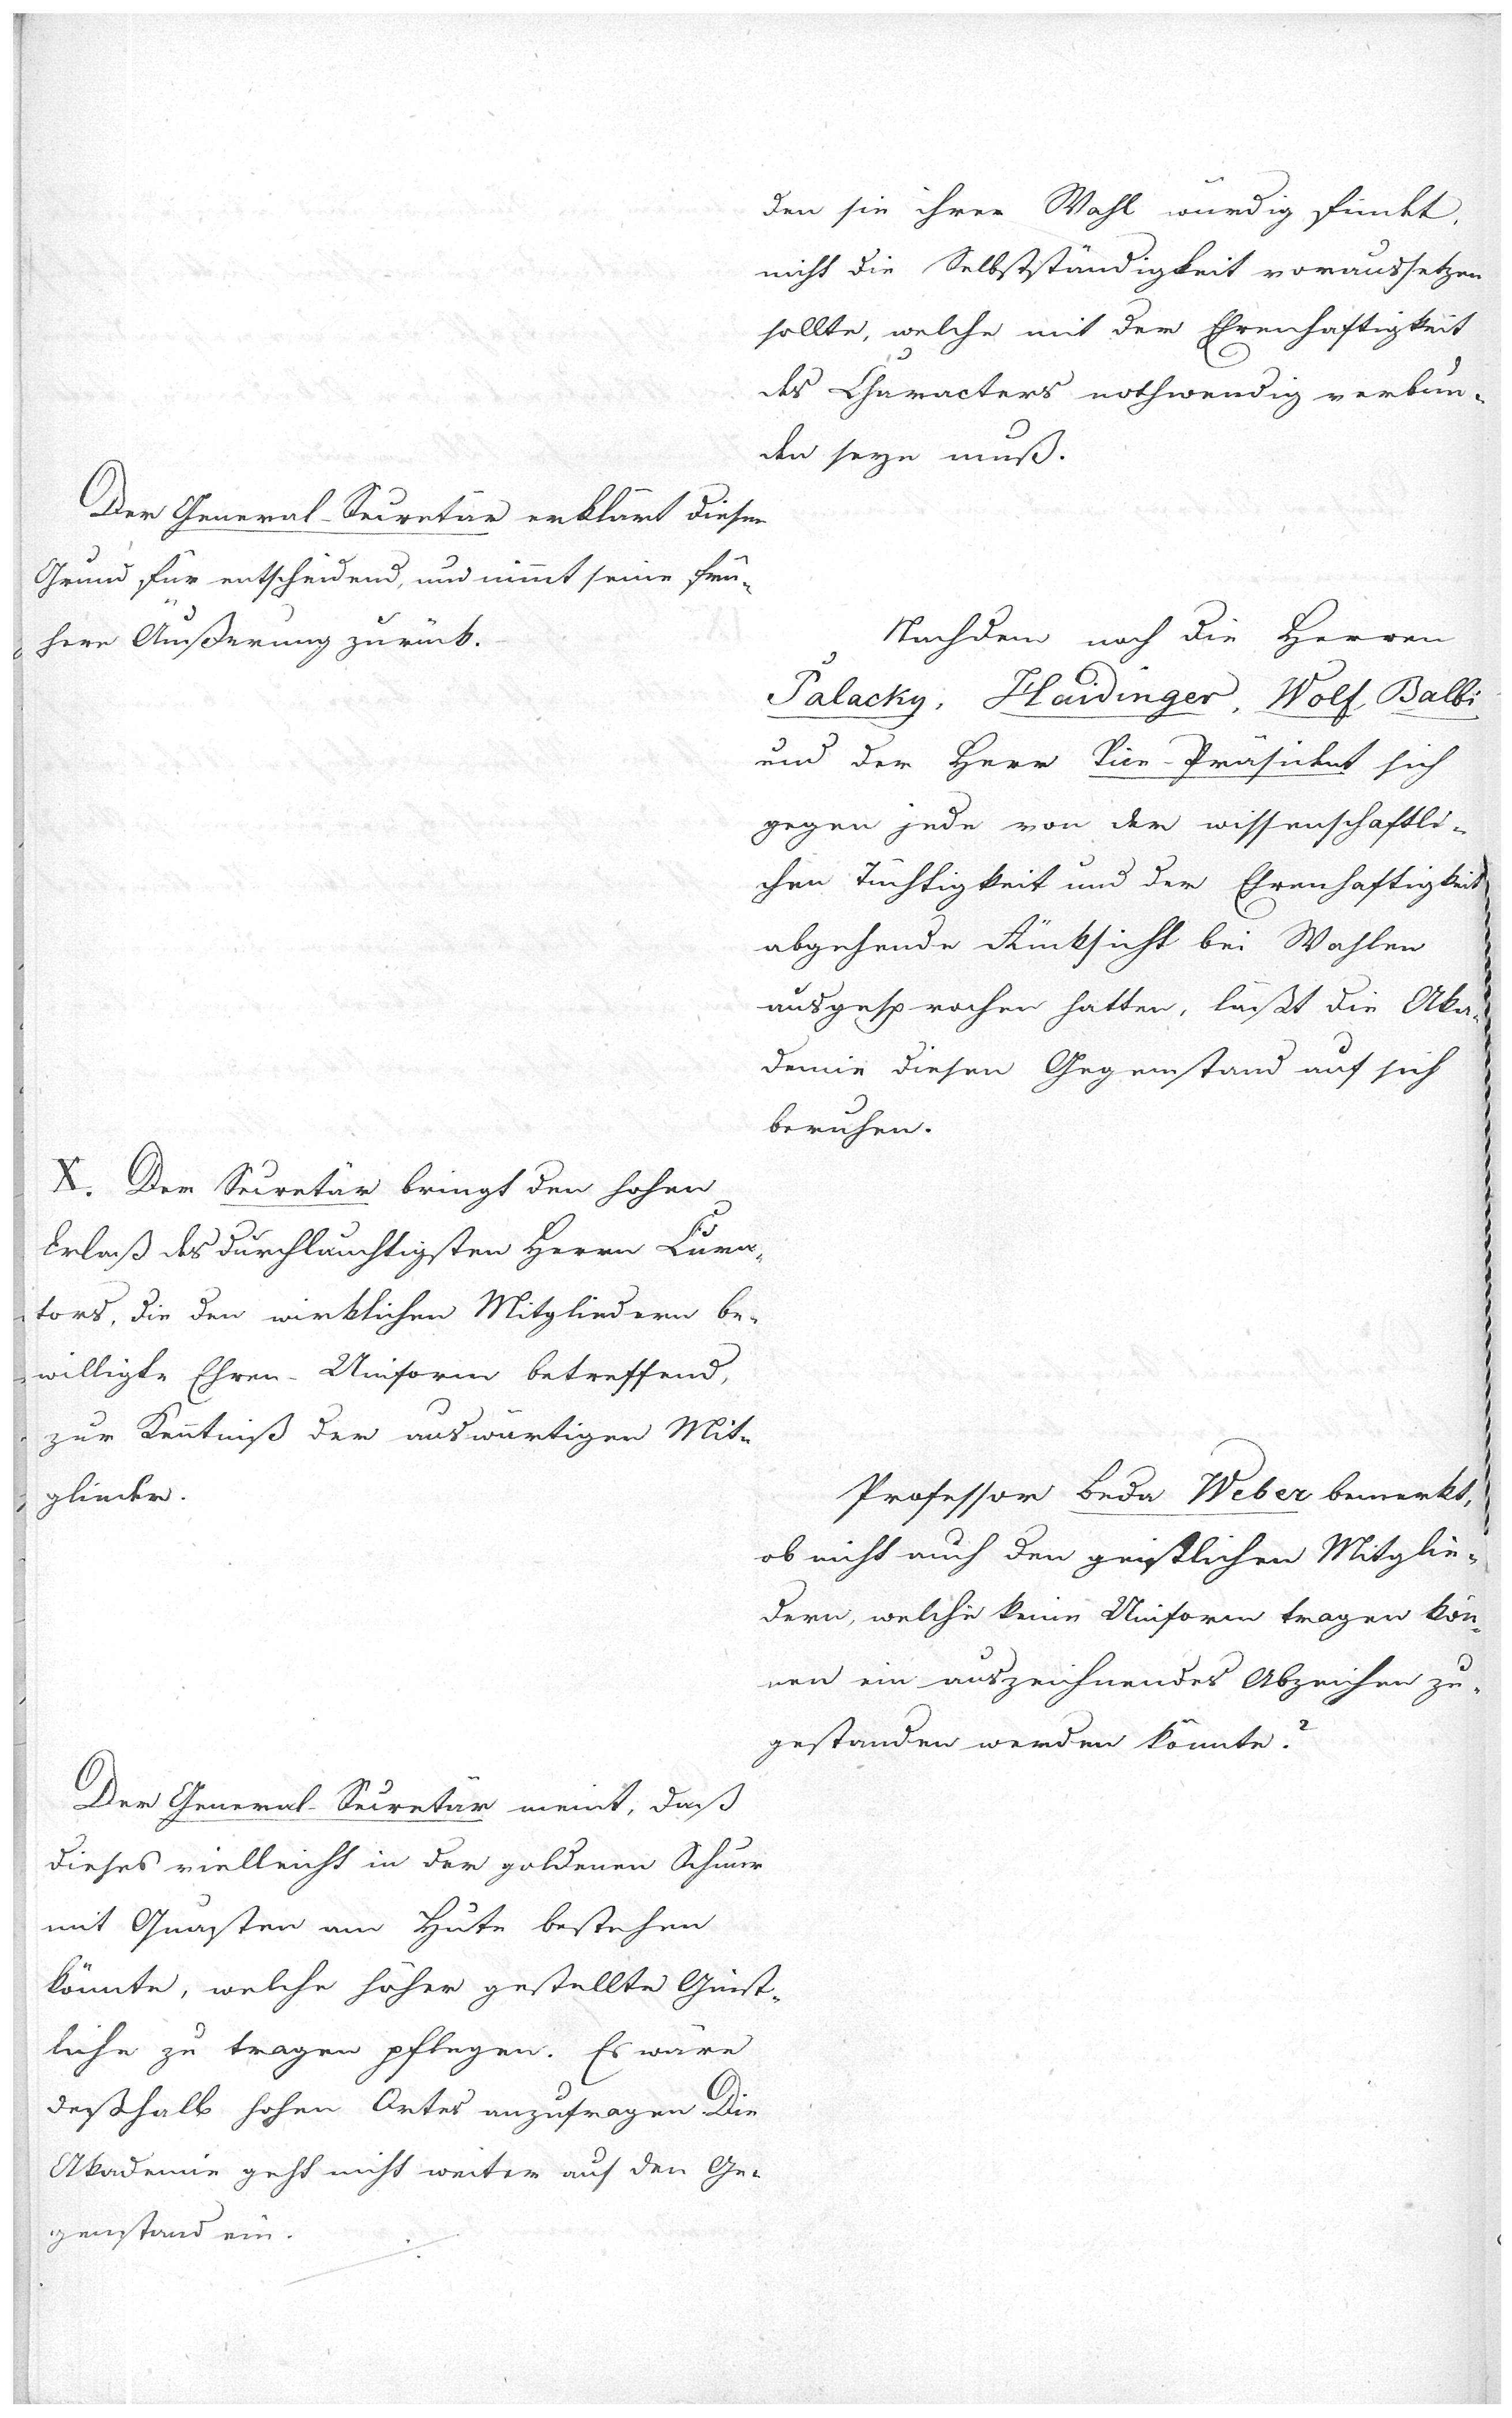den sie ihrer Wahl würdig findet,
nicht die Selbstständigkeit vorausetzen
sollte, welche mit der Ehrenhaftigkeit
des Characters nothwendig verbun-
den seyn muß.
Der General-Secretär erklärt diesen
Grund für entscheidend, und nimmt seine frü-
here Äußerung zurück.
Nachdem noch die Herren
Palacky, Haidinger, Wolf, Balbi
und der Herr Vice-Präsident sich
gegen jede von der wissenschaftli-
chen Tüchtigkeit und der Ehrenhaftigkeit
abgehenden Rücksicht bei Wahlen
ausgesprochen hatten, läßt die Aka-
demie diesen Gegenstand auf sich
beruhen.
X. Der Secretär bringt den hohen
Erlaß des durchlauchtigsten Herrn Cura-
tors, die den wirklichen Mitgliedern be-
willigte Ehren-Uniform betreffend,
zur Kenntniß der auswärtigen Mit-
glieder.
Professor Beda Weber bemerkt,
ob nicht auch den geistlichen Mitglie-
dern, welche keine Uniform tragen kön-
nen ein auszeichnendes Abzeichen zu-
gestanden werden könnte?
Der General-Secretär meint, daß
diese vielleicht in der goldenen Schnur
mit Quasten am Hute bestehen
könnte, welche höher gestellte Geist-
liche zu tragen pflegen. Es wäre
deßhalb hohen Ortes anzufragen. Die
Akademie geht nicht weiter auf den Ge-
genstand ein.